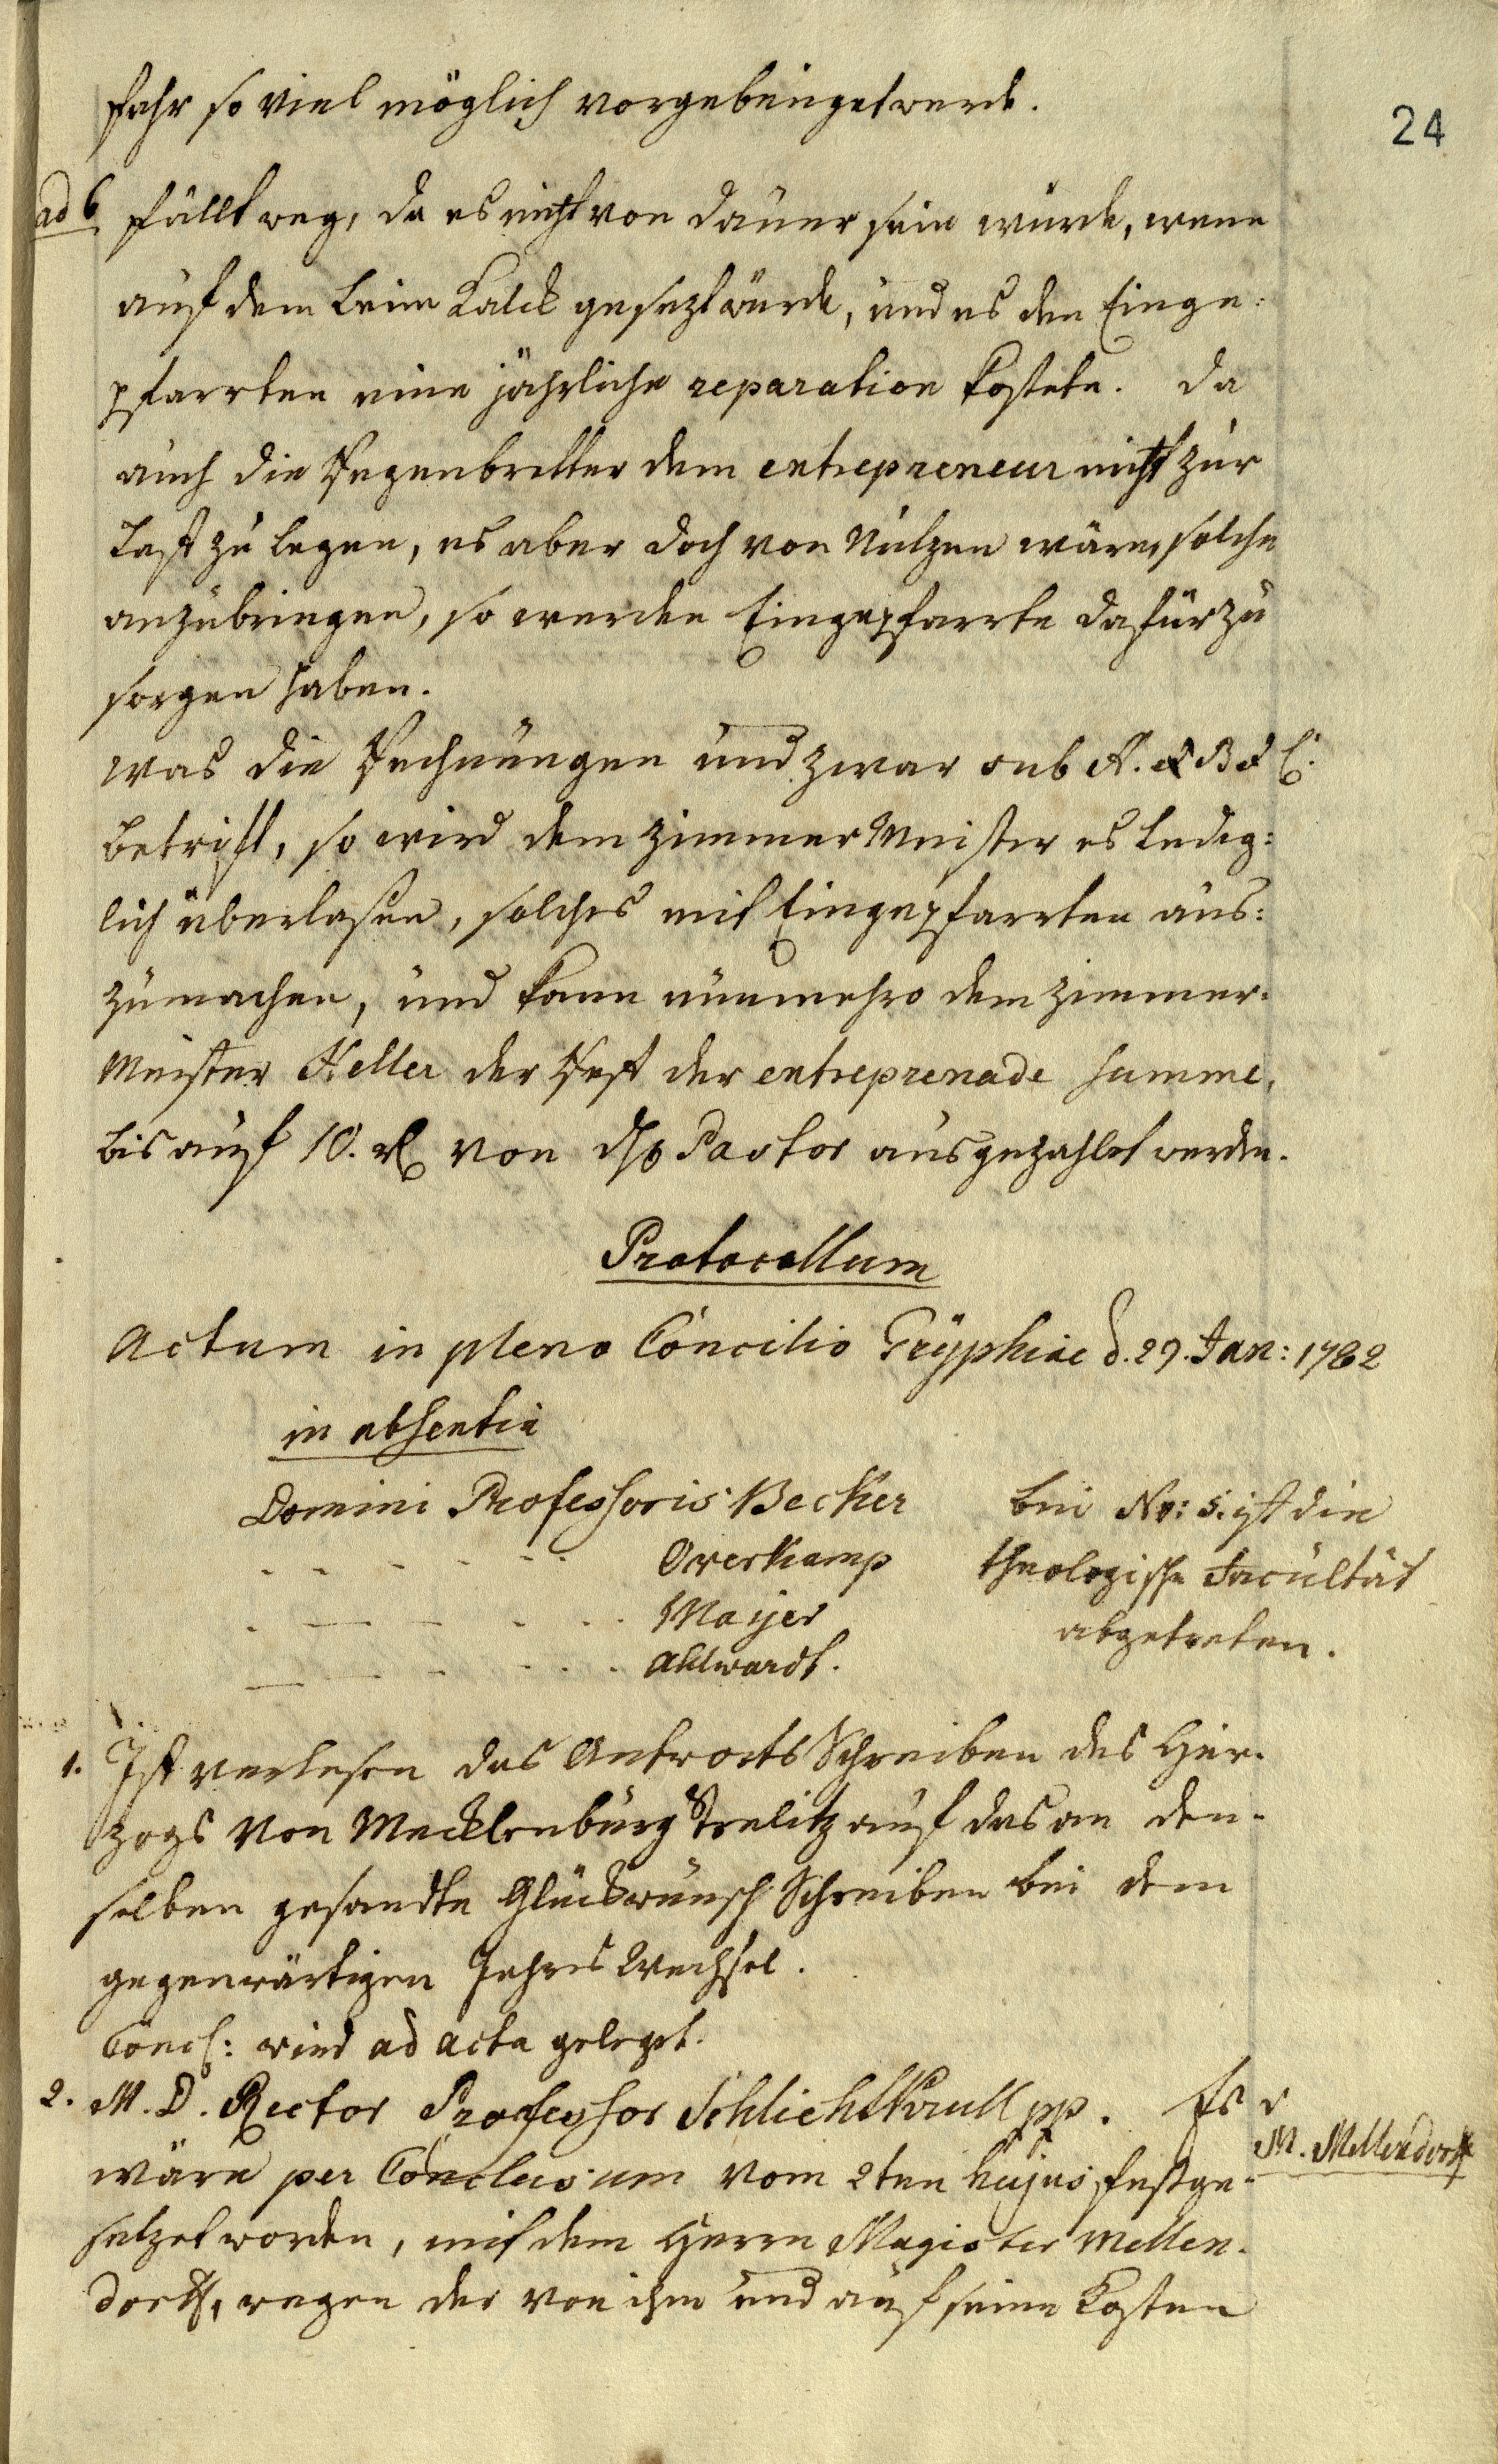fahr so viel möglich vorgebeuget werde.
ad 6 fällt weg, da es nicht von Dauer sein würde, wenn
auf dem Leim Kalck gesezt würde, und es den Einge¬
pfarrten eine jährliche reparation kostete. Da
auch die Regenbretter dem entrepreneur nicht zur
Last zu legen, es aber doch von Nutzen wäre, solche
anzubringen, so werden Eingepfarrte dafür zu
sorgen haben.
Was die Rechnungen und zwar sub A. et B. et C.
betrift, so wird dem ZimmerMeister es ledig¬
lich überlaßen, solches mit Eingepfarrten aus¬
zumachen, und kann nunmehro dem Zimmer¬
Meister Heller der Rest der entreprenade summe,
bis auf 10. rl. von dh Pastor ausgezahlet werden.
Protocollum
Actum in pleno Concilio Grÿphiae d. 29. Jan. 1782
in absentia
Domini Professoris Becker bei No 5. ist die
Overkamp theologische Facultät
Maÿer abgetreten.
Ahlwardt.
1. Ist verlesen das AntwortsSchreiben des Her¬
zogs von Mecklenburg Strelitz auf das an den¬
selben gesandte GlückwunschSchreiben bei dem
gegenwärtigen Jahres Wechsel.
Concl. wir ad acta geleget.
2. M. D. Rector Prof. Schlichtkrull pp. Es
wäre per Conclusum vom 2ten hujus festge¬
setzet worden, mit dem Herrn Magister Mellen¬
dorff, wegen der von ihm und auf seine Kosten